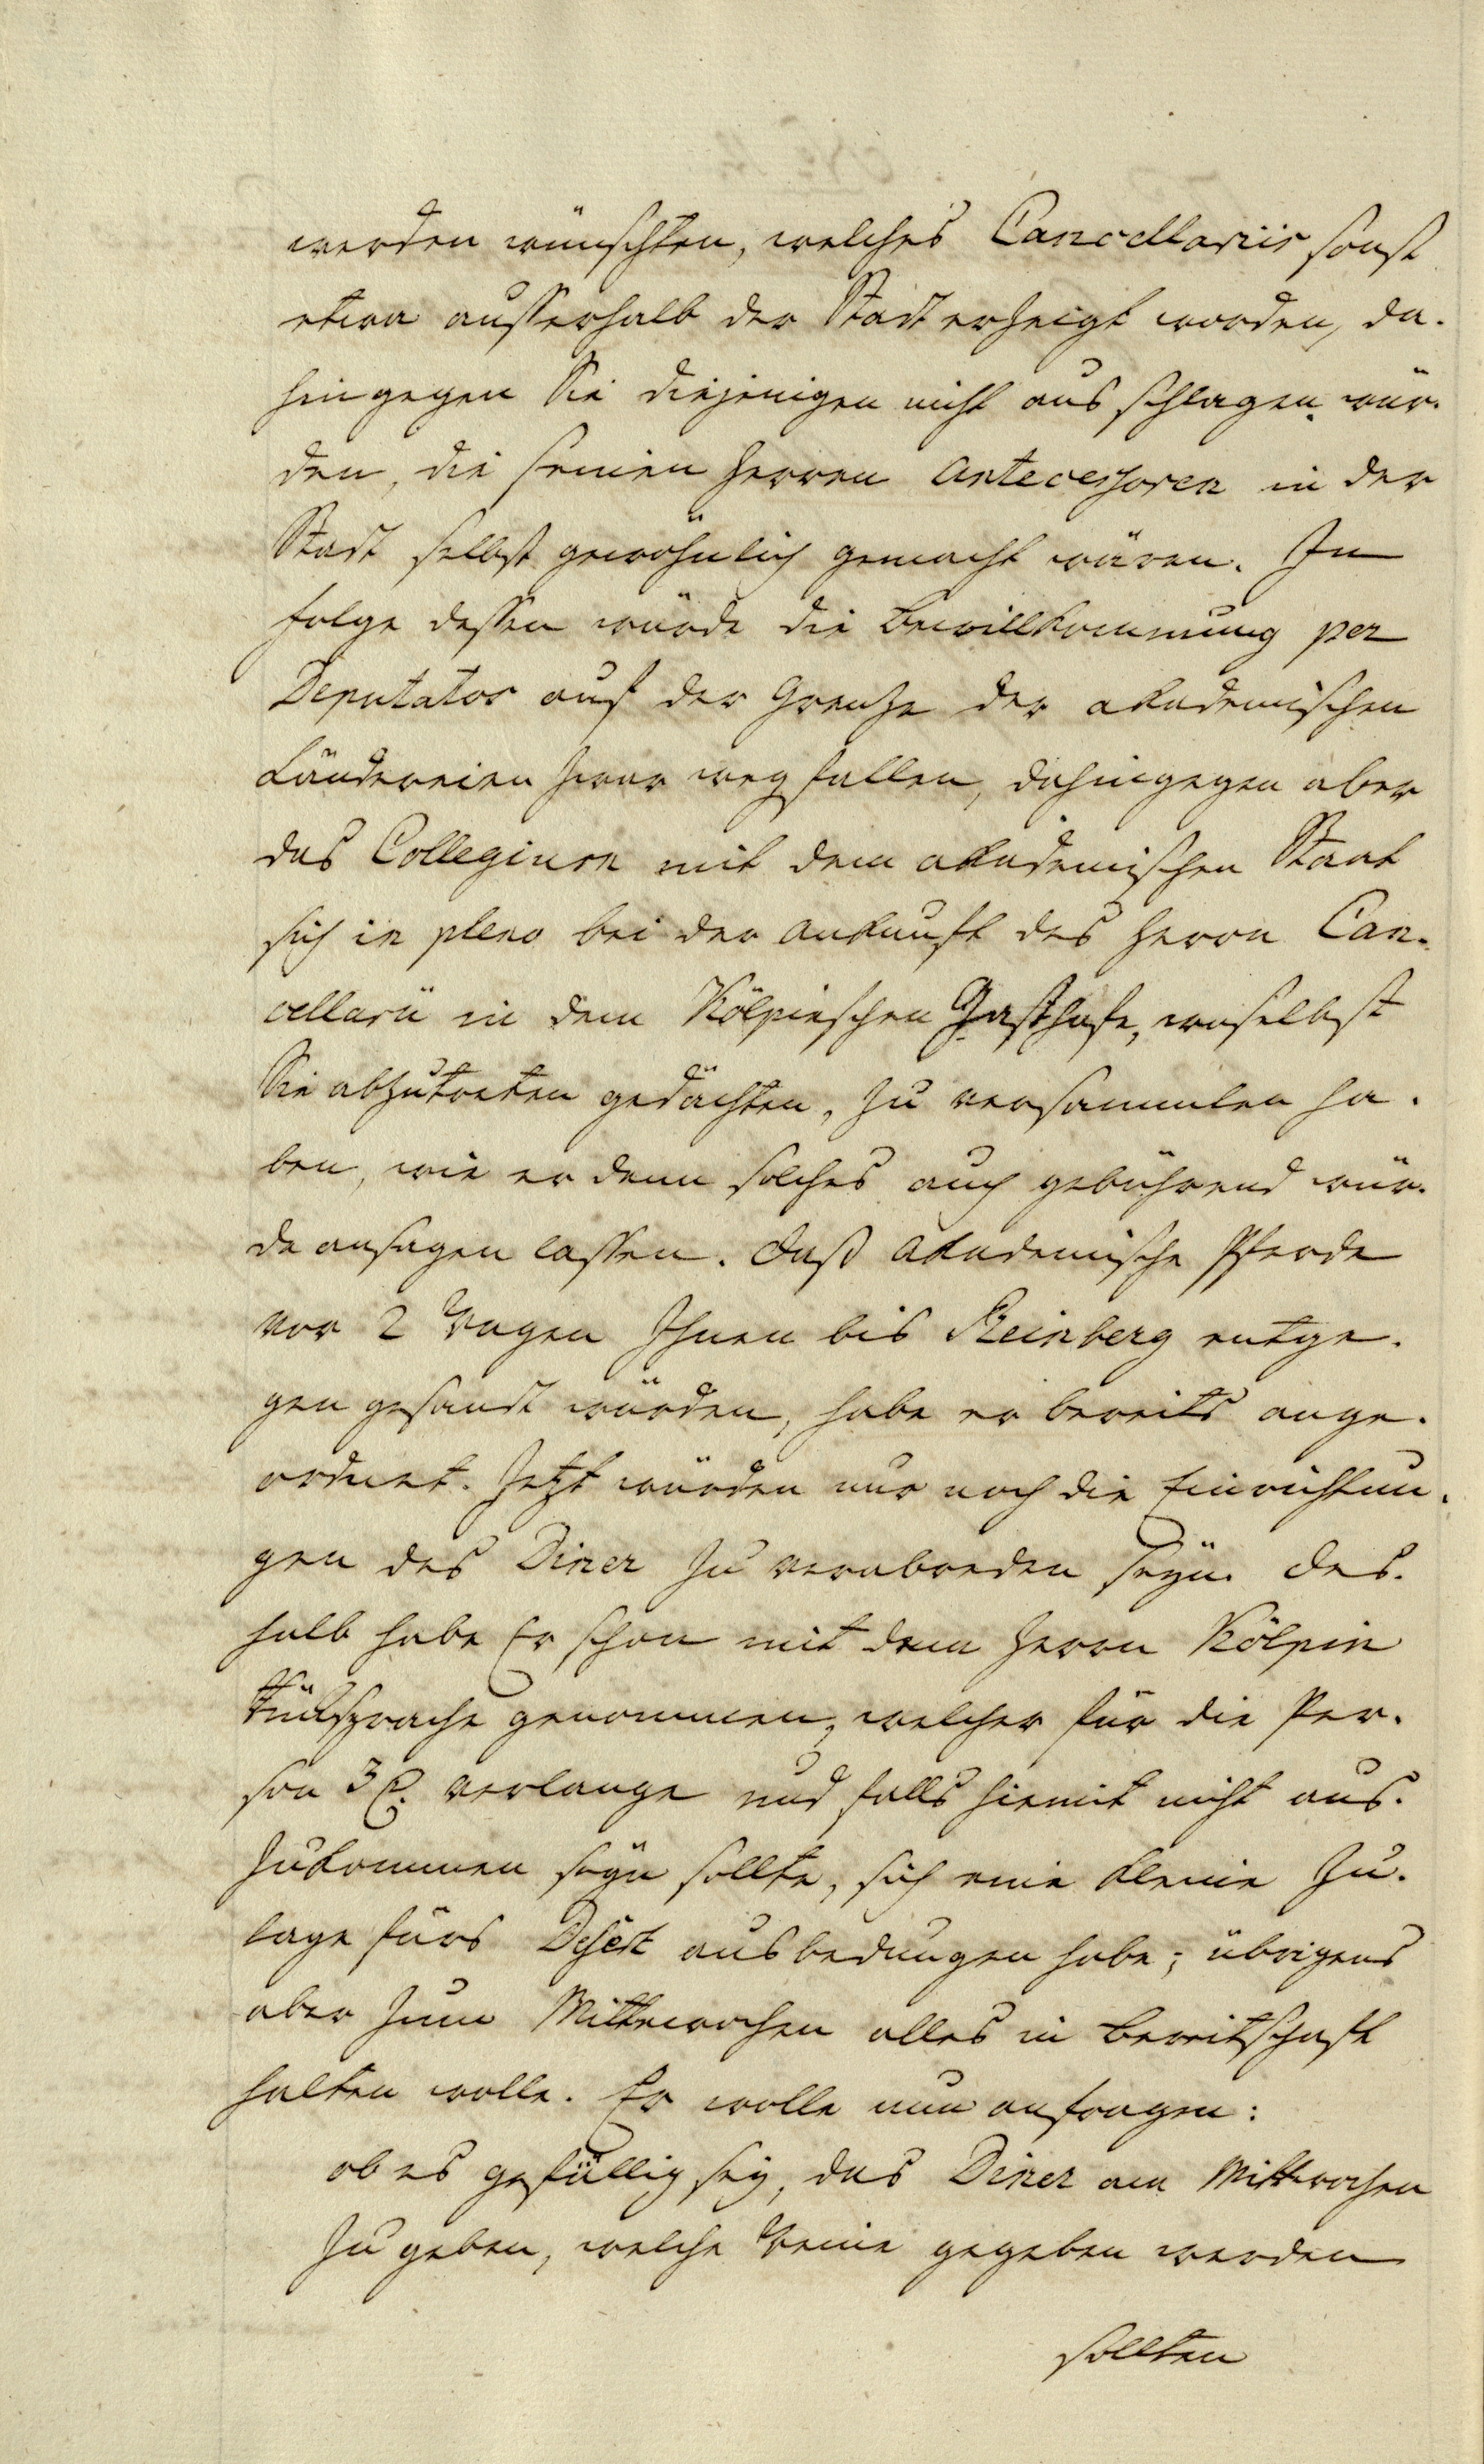werden wünschten, welches Cancellariis sonst
etwa ausserhalb der Stadt erzeigt worden, da¬
hingegen Sie diejenigen nicht aus schlagen wür¬
den, die seinen Herren Antecessoren in der
Stadt selbst gewöhnlich gemacht wären. In
Folge dessen würde die Bewillkommung per
Deputatos auf der Grenze der akademischen
Ländereien zwar wegfallen, dahingegen aber
das Collegium mit dem akademischen Staat
sich in pleno bei der Ankunft des Herrn Can¬
cellarii in dem Kölpinschen Gasthofe, woselbst
Sie abzutreten gedächten, zu versammlen ha¬
ben, wie er denn solches auch gebührend wür¬
da ansagen lassen. Daß Akademische Pferde
vor 2 Wagen Ihnen bis Reinberg entge¬
gen gesandt würden, habe er bereits ange¬
ordnet. jetzt würden nur noch die Einrichtun¬
gen des Diner zu verabreden seÿn. Des¬
halb habe Er schon mit dem Herrn Kölpin
Rücksprache genommen, welcher für die Per¬
son 3l . verlange und falls hiemit nicht aus¬
zukommen seÿn sollte, sich eine kleine Zu¬
lage fürs Desert aus bedungen habe; übrigens
aber zum Mittewochen alles in Bereitschaft
halten wolle. Er wolle um anfragen:
ob es gefällig seÿ, das Diner am Mittwochen
zu geben, welche Weine gegeben werden
sollten